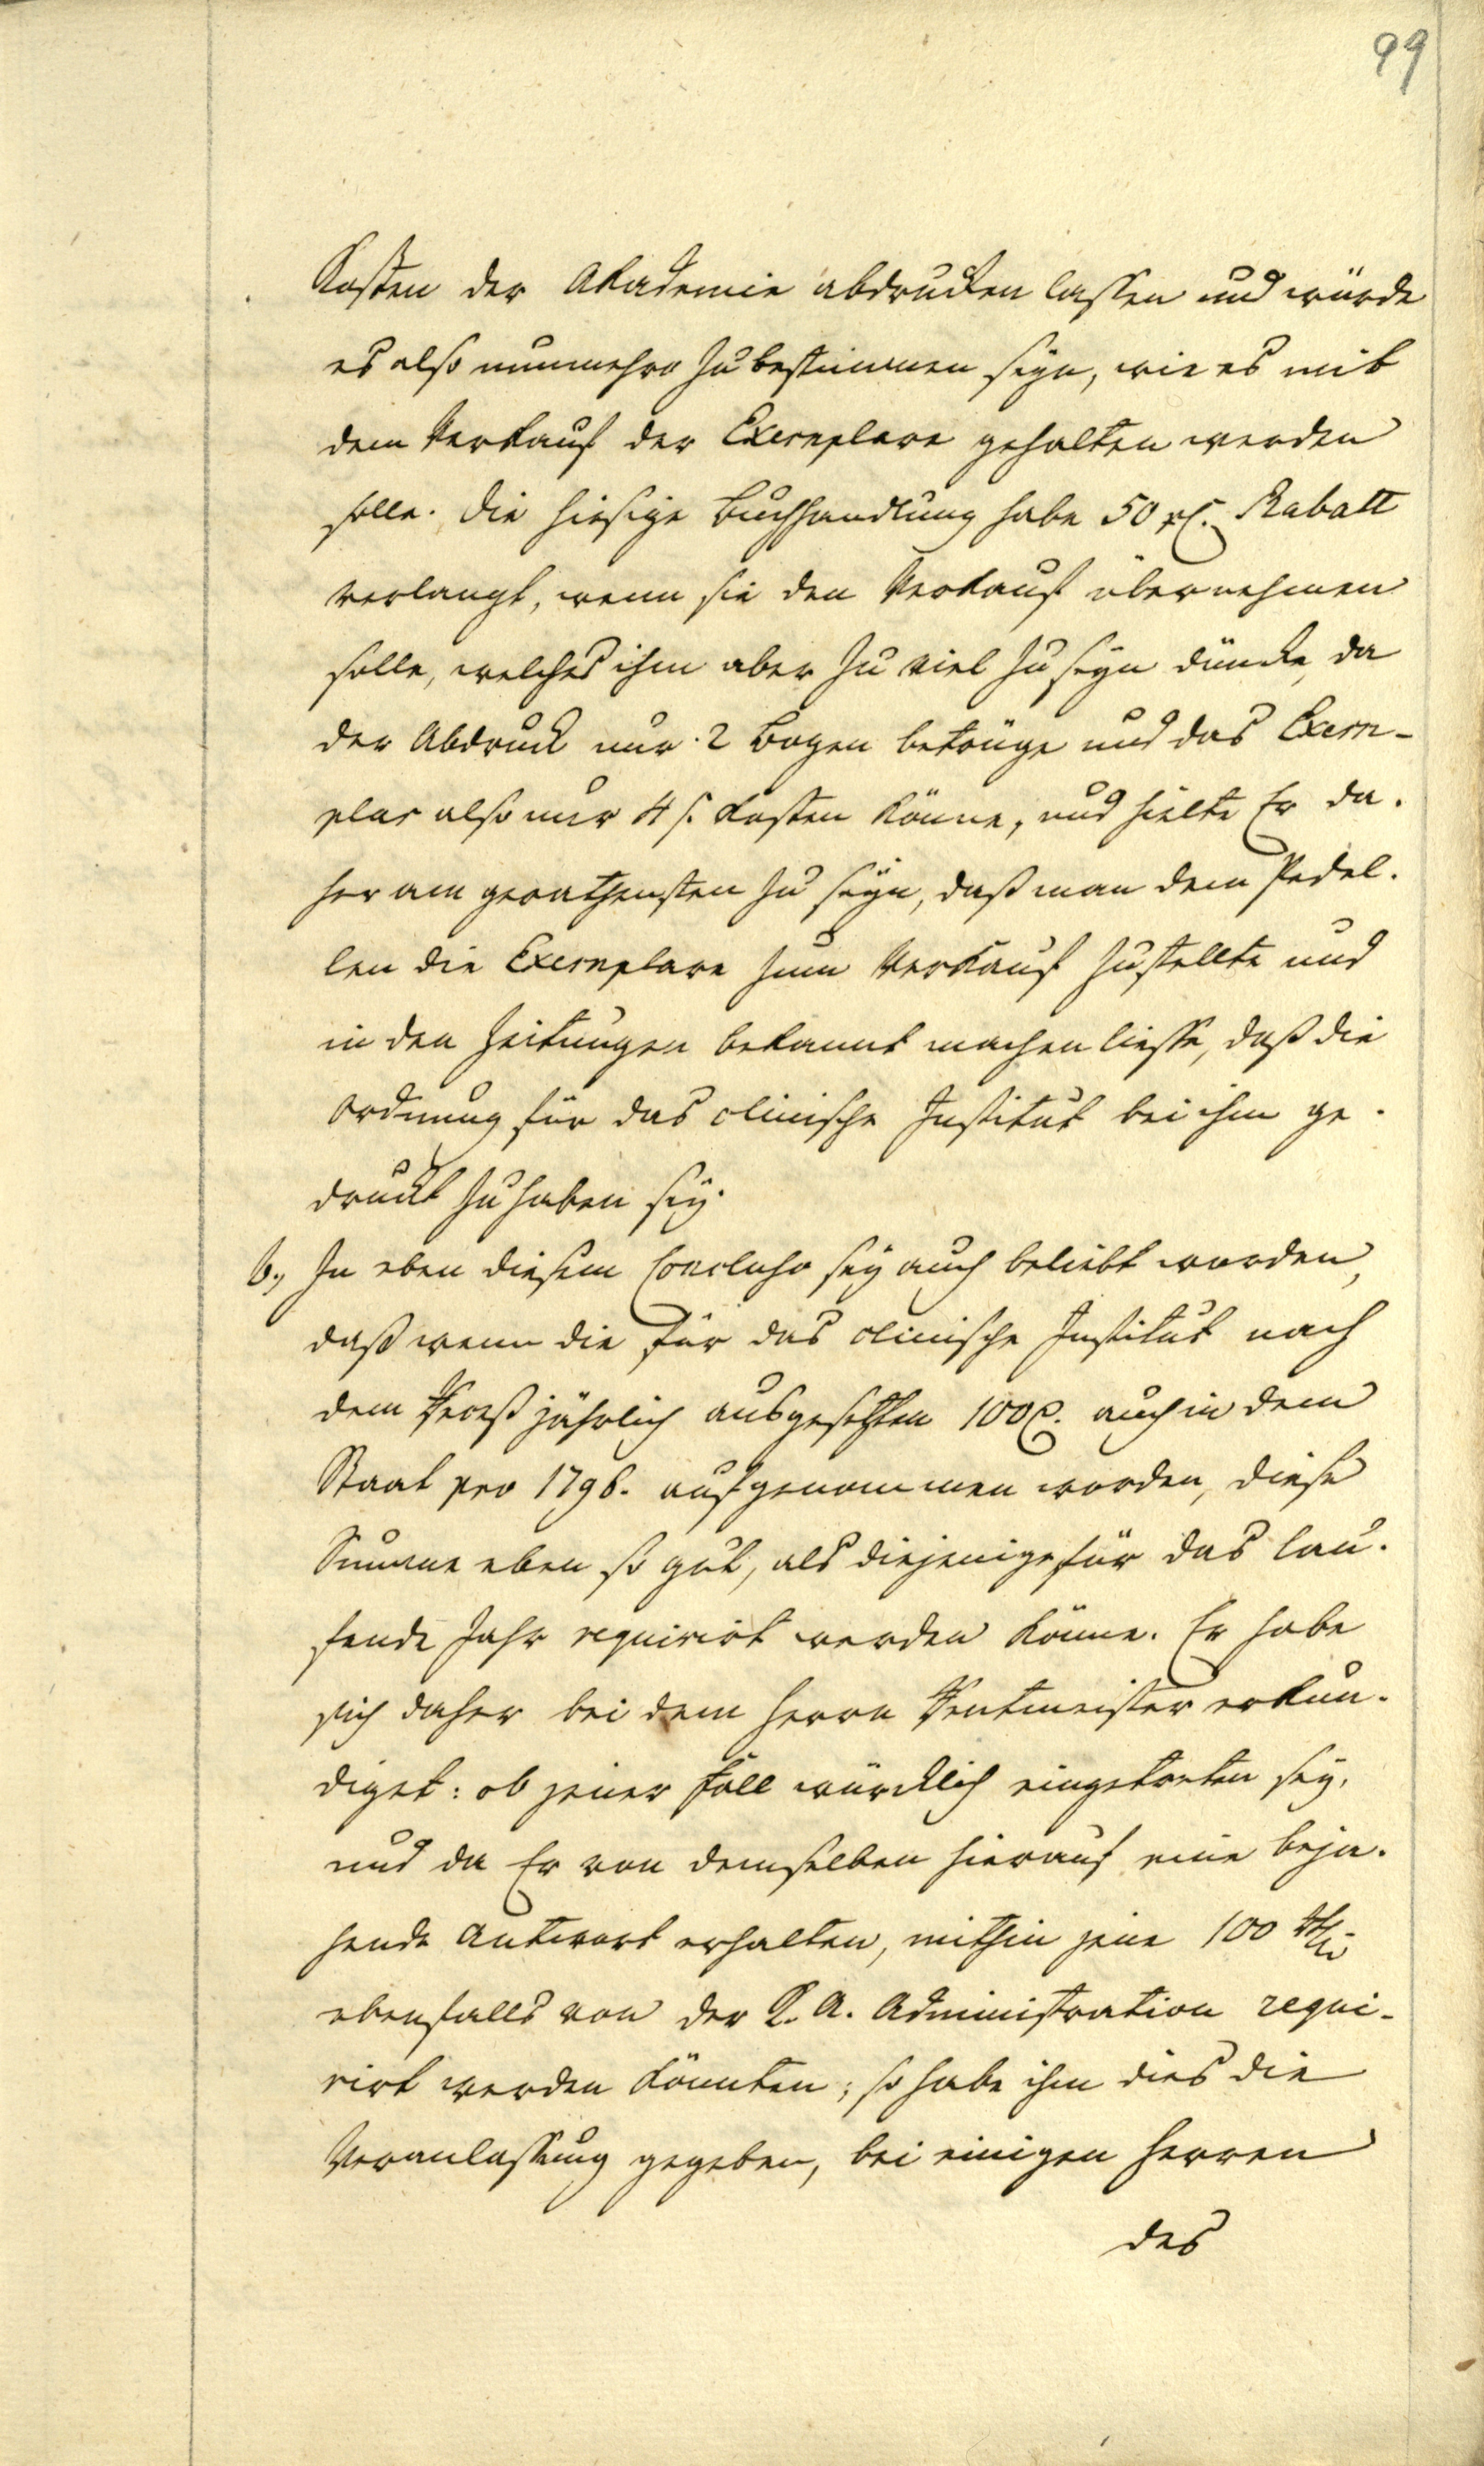Kosten der Akademie abdrucken lassen und würde
es also nunmehro zu bestimmen seÿn, wie es mit
dem Verkauf der Exemplare gehalten werden
solle. Die hiesige Buchandlung habe 50 rl. Rabatt
verlangt, wenn sie den Verkauf übernehmen
solle, welches ihm aber zu viel zu seÿn düncke, da
der Abdruck nur 2 Bogen betrüge und das Exem¬
plar also nur 4 s. kosten könne, und hielte Er da¬
er am gerathensten zu seÿn, daß man dem Pedel¬
len die Exemplare zum Verkauf zustellte und
in den Zeitungen bekannt machen liesse, daß die
Ordnung für das clinische Institut bei ihm ge¬
druckt zu haben seÿ.
b., In eben diesem Concluso seÿ auch beliebt worden,
daß wenn die für das clinische Institut nach
dem Receß jährlich ausgesetzten 100 l. auch in dem
Staat pro 1796. aufgenommen worden, diese
Summe eben so gut, als diejenige für das lau¬
fende Jahr requirirt werden könne. Er habe
sich daher bei dem Herrn Rentmeister erkun¬
diget: ob jener Fall würcklich eingetreten seÿ,
und da Er von demselben hierauf eine beja¬
hende Antwort erhalten, mithin jene 100 rtl.
ebenfalls von der K. A. Administration requi¬
rirt werden könnten, so habe ihm dies die
Veranlassung gegeben, bei einigen Herren
des